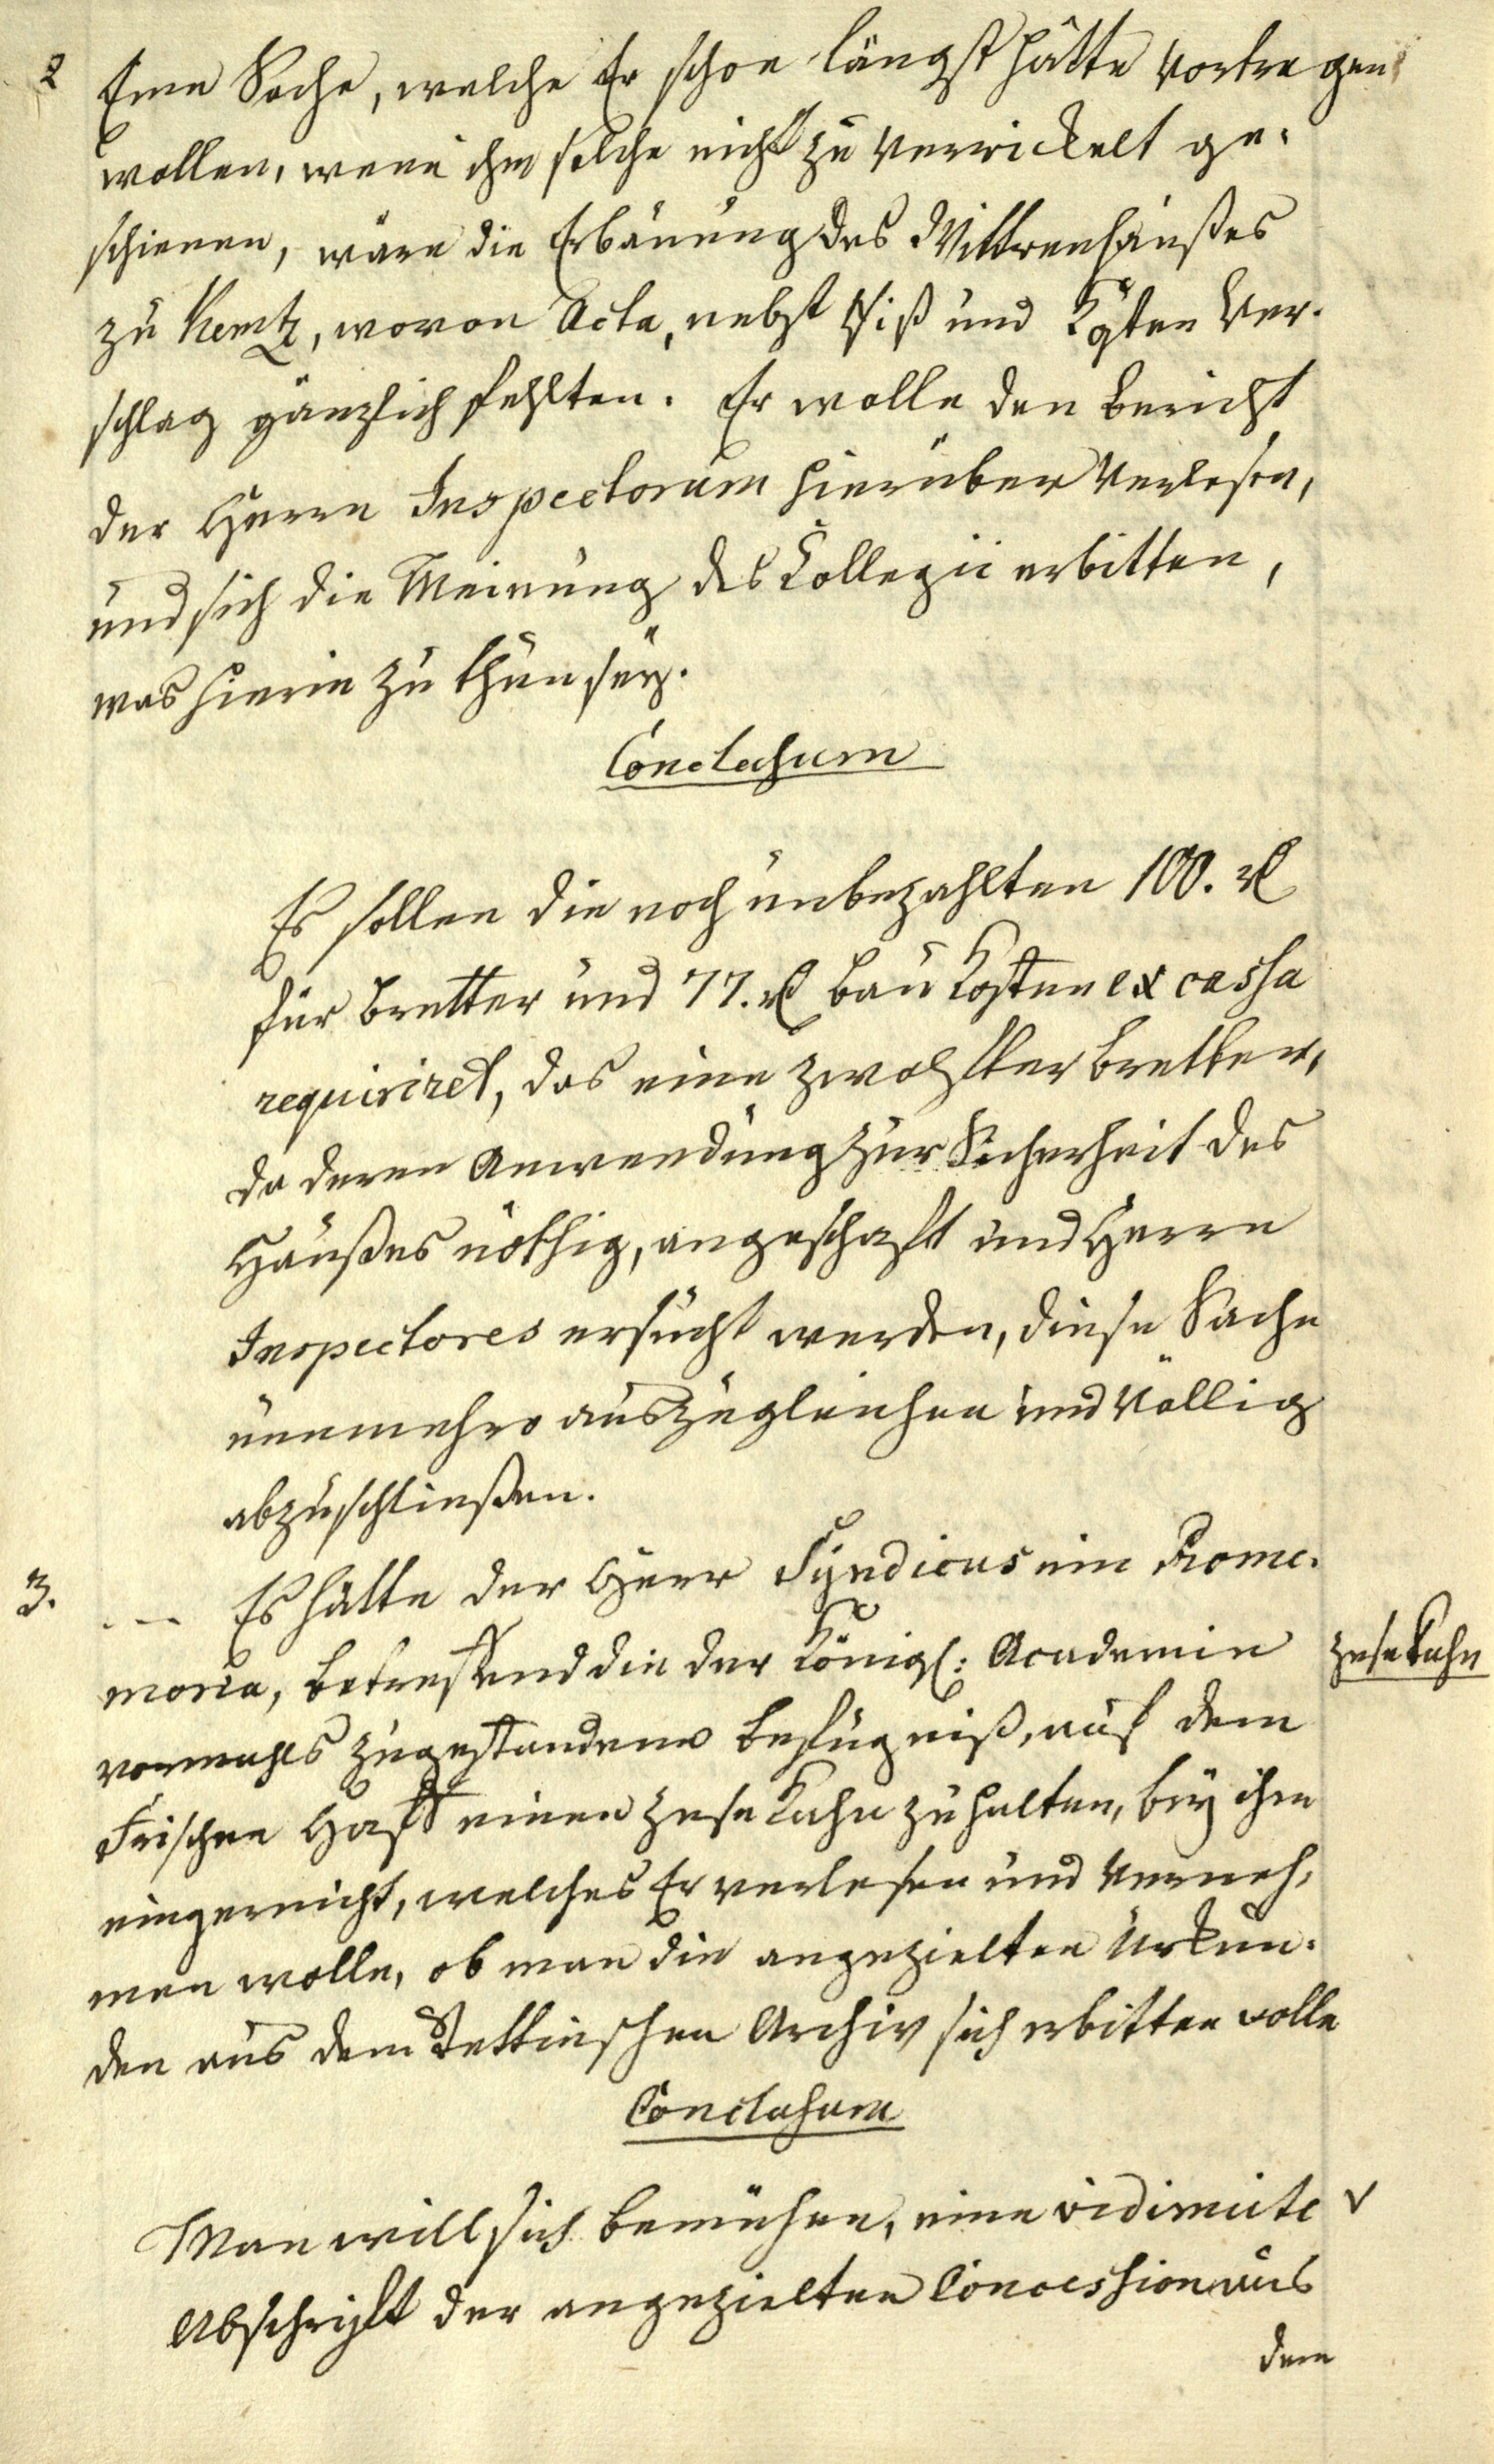2 . Eine Sache, welche Er schon längst hätte vortragen
wollen, wenn ihm solche nicht zu verwickelt ge¬
schienen, wäre die Erbauung des Wittwenhaußes
zu Kemtz, wovon Acta, nebst Riß und Kosten Ver¬
schlag gänzlich fehlten. Er wolle den Bericht
der Herrn Inspectorum hierüber verlesen,
und sich die Meinung des Collegii erbitten,
was hierin zu thun seÿ.
Conclusum
Es sollen die noch unbezahlten 100. rl
für Bretter und 77. r. Bau Kosten ex cassa
requiriret, das eine zwolfter Bretter,
da deren Anwendung zur Sicherheit des
Haußes nöthig, angeschaft und Herrn
Inspectores ersucht werden, diese Sache
nunmehro auszugleichen und völlig
abzuschliessen.
3. Es hätte der Herr Sÿndicus ein Prome¬
moria, betreffend die der Königl. Academie
vormahls zugestandene Befugniß, auf dem
Frischen Haff einen Zesekahn zu halten, beÿ ihm
eingereicht, welches Er verlesen und verneh¬
men wolle, ob man die angezielten Urkun¬
den aus dem Stettinschen Archiv sich erbitten wolle.
Conclusum
Man will sich bemühen, eine vidimirte
Abschrift der angezielten Concession aus
dem